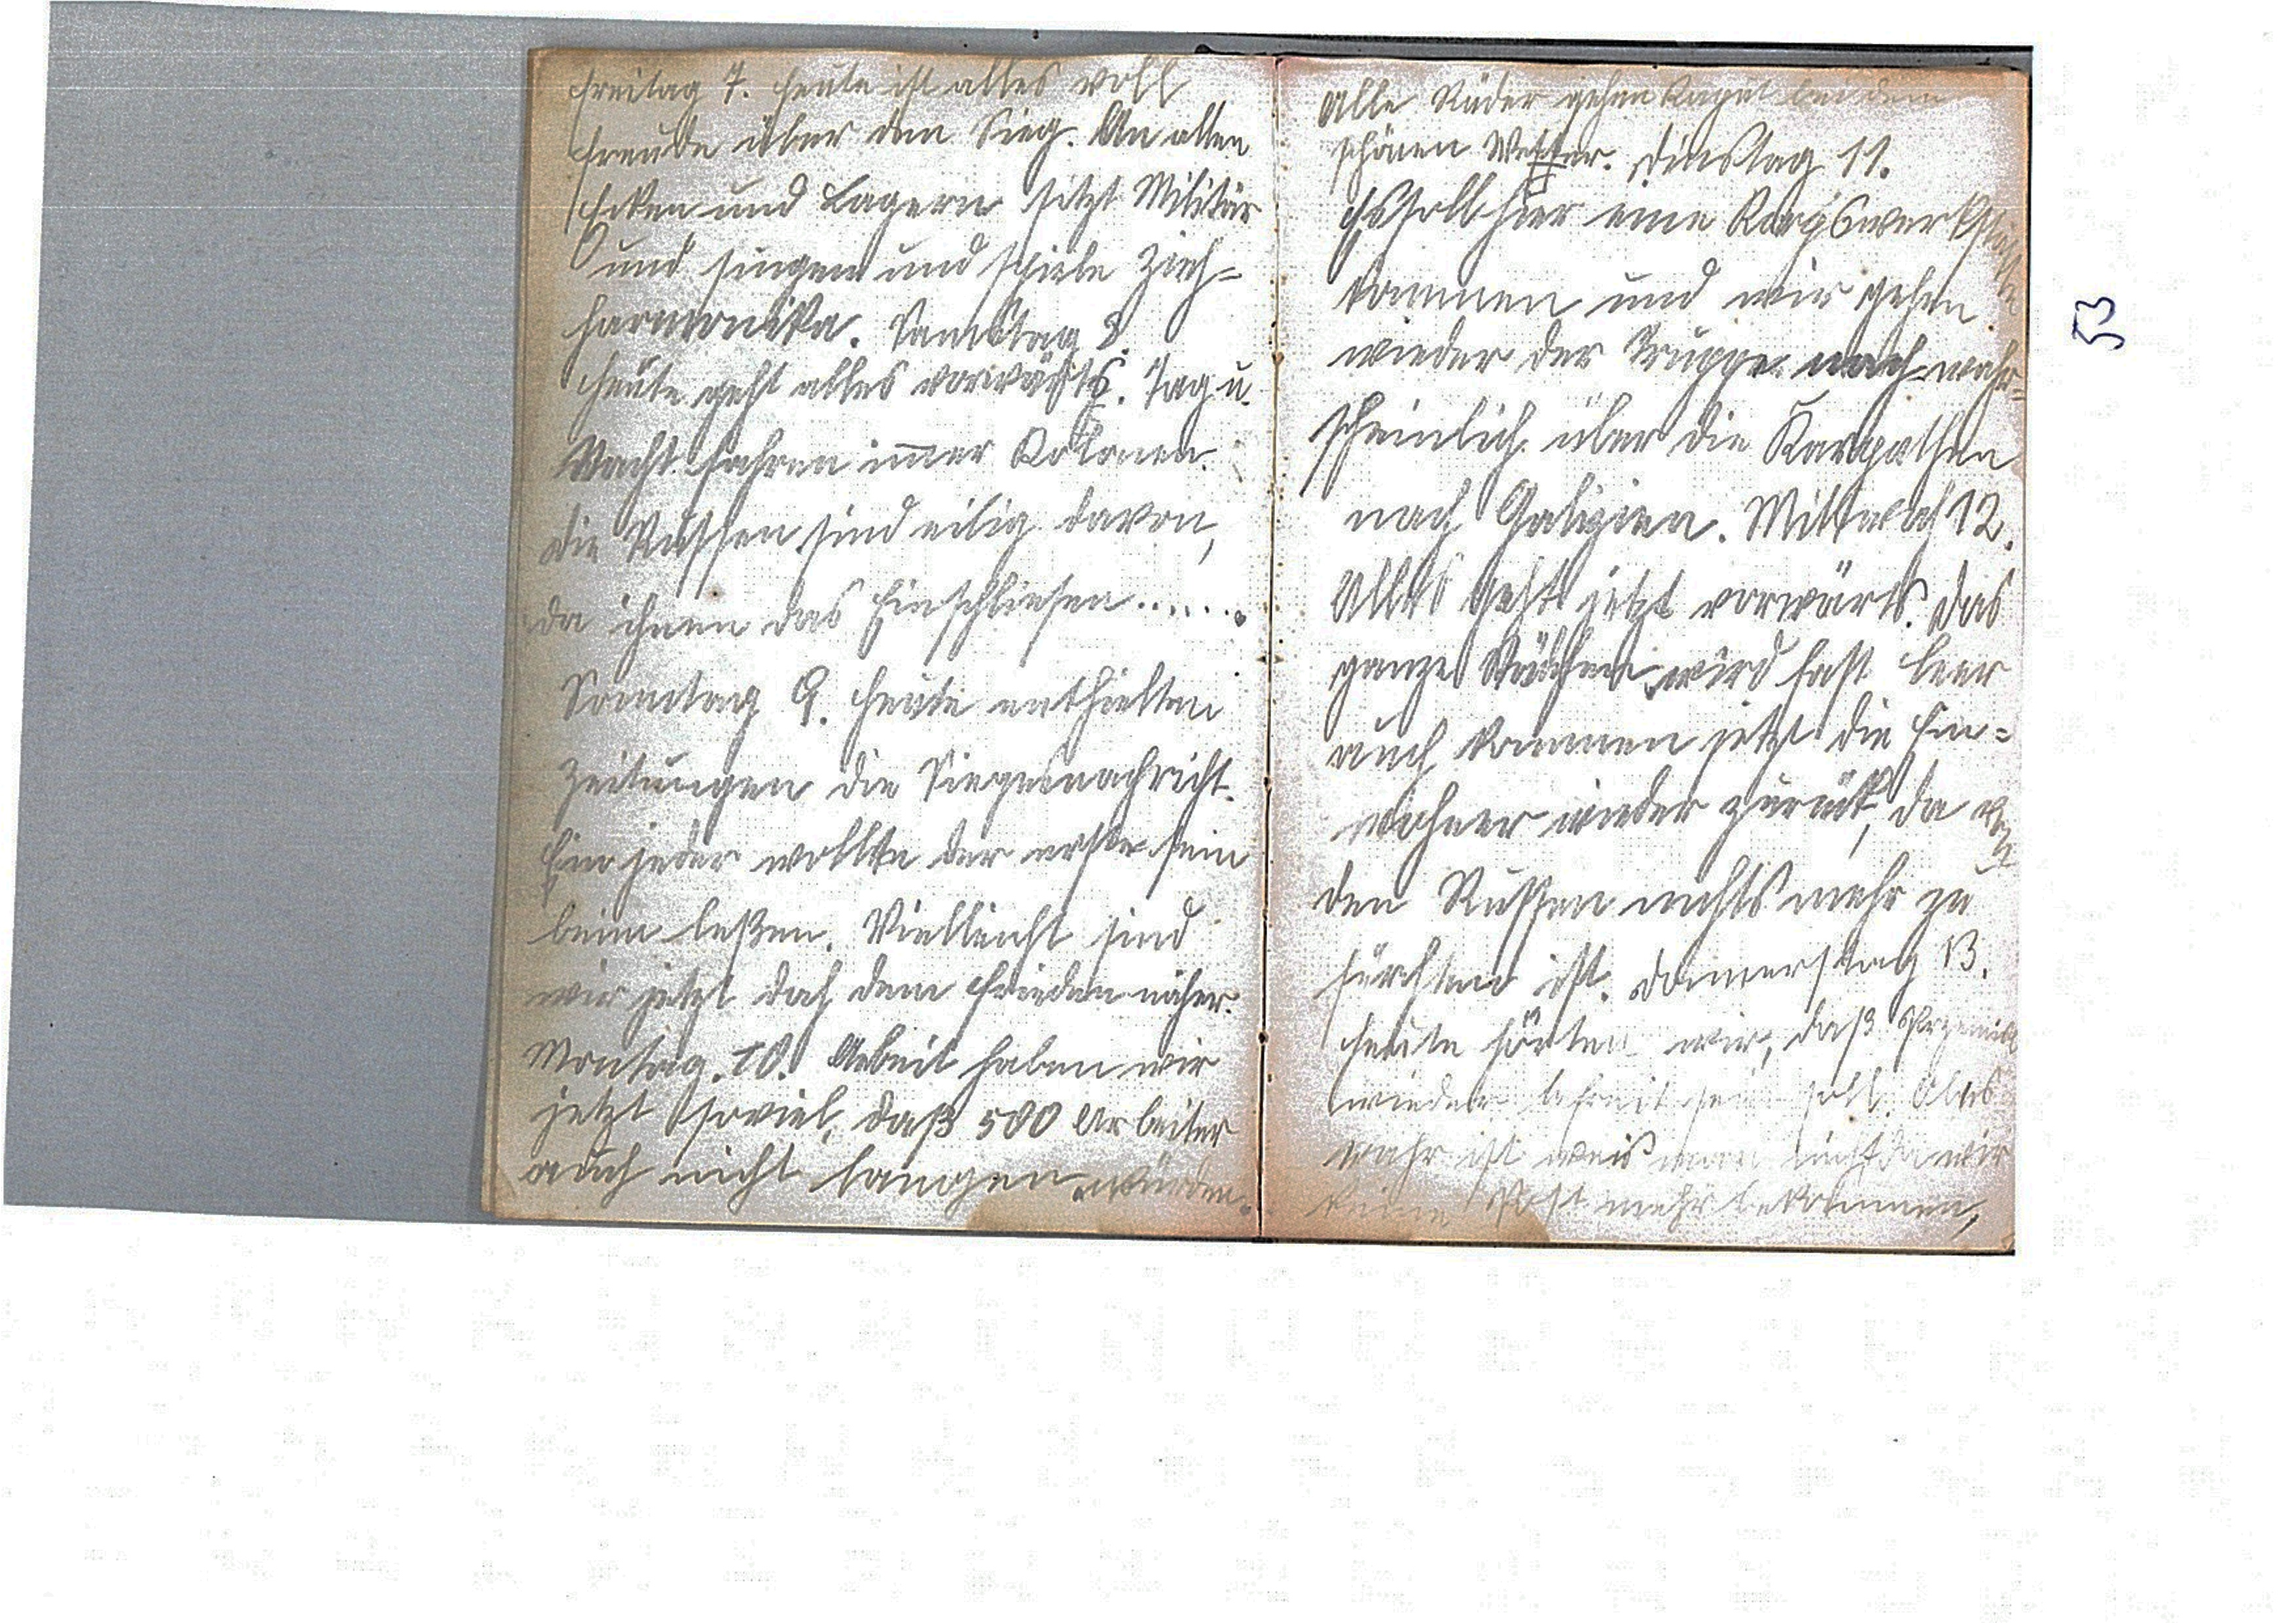Freiatg 7. Heute ist alles voll
Freude über den Sieg. An allen
xy und Lagern sitzt Militär
und singen und spielen Zieh-
harmonika. Samstag 8.
Heute geht alles vorwärts- Tag .
Nach fahren immer xy
die Russen sind eilig davon,
da ihnen das einschliesen ...
Sonntag 9. Heute enthalten
Zeitungen die Siegxyschrift
Ein jeder wollte der erste sein
beim leßen. Vielleicht sind
wir jetzt doch dem Scheiden näher.
Montag 10. Arbeit haben wir
jetzt soviel, daß 500 Arbeiter
auch nicht langen würden.
Alle Räder gehen kaput bei dem
schönen Wetter. Dienstag 11.
Es soll hier eine xy
kommen und wir gehen.
Weder der Gruppe wahr-
scheinlich über die Karpathen
nach Galizien. Mittwoch 12.
Alles geht jetzt vorwärts. Das
ganze xy wird fast leer
auch kommen jetzt die xy
xy wieder zurück, da von
den Russen nichts mehr zu
fürchten ist. Donnerstag 13.
heute hörten wir, daß Przemysl
wieder befreit sein soll. Ob es
wahr ist weis man nicht, da wir
keine Post mehr bekommen,